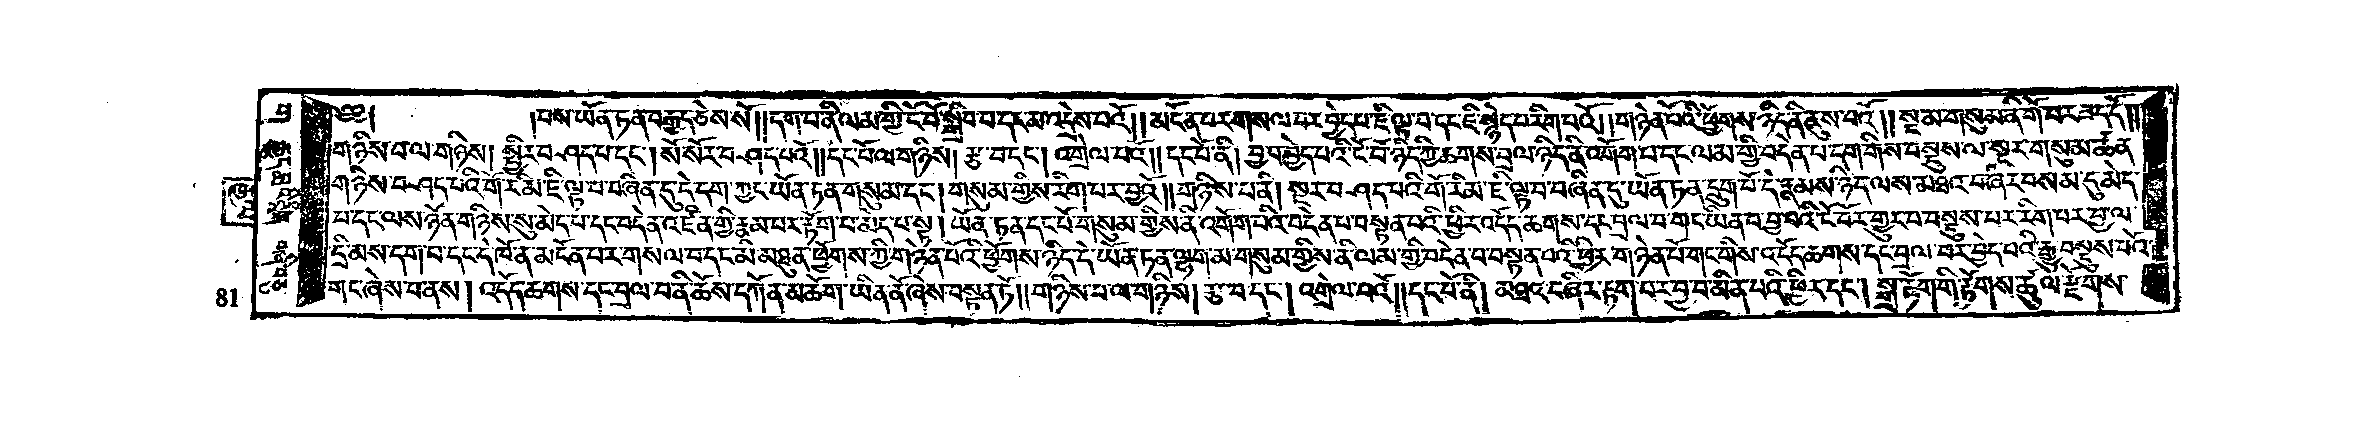༄༅། །པས་ཡོན་ཏན་བརྒྱད་ཅེས་སོ། །དག་པ་ནི་ལམ་གྱི་ངོ་བོ་སྒྲིབ་པ་དང་མ་འདྲེས་པའོ། །མངོན་པར་གསལ་བར་བྱེད་པ་ཇི་ལྟ་བ་དང་ཇི་སྙེད་པ་རིག་པའོ། །གཉེན་པོའི་ཕྱོགས་ཉིད་ནི་ནུས་པའོ། །སྔ་མ་གསུམ་ནི་གོ་བར་ཟད་དོ། །
གཉིས་པ་ལ་གཉིས། སྤྱིར་བཤད་པ་དང་། སོ་སོར་བཤད་པའོ། །དང་པོ་ལ་གཉིས། རྩ་བ་དང་། འགྲེལ་པའོ། །དང་པོ་ནི། བྱ་བ་བྱེད་པའི་ངོ་བོ་ཉིད་ཀྱི་ཆགས་བྲལ་ཉིད་ནི་འགོག་པ་དང་ལམ་གྱི་བདེན་པ་དག་གིས་བསྡུས་ལ་སྔར་གསུམ་ཚན་
གཉིས་བཤད་པའི་གོ་རིམ་ཇི་ལྟ་བ་བཞིན་དུ་དེ་དག་ཀྱང་ཡོན་ཏན་གསུམ་དང་། གསུམ་གྱིས་རིག་པར་བྱའོ། །གཉིས་པ་ནི། སྔར་བཤད་པའི་གོ་རིམ་ཇི་ལྟ་བ་བཞིན་དུ་ཡོན་ཏན་དྲུག་པོ་དེ་རྣམས་ཉིད་ལས་མཐའ་བཞིར་བསམ་དུ་མེད་
པ་དང་ལས་ཉོན་གཉིས་སུ་མེད་པ་དང་བདེན་འཛིན་གྱི་རྣམ་པར་རྟོག་པ་མེད་པ་སྟེ། ཡོན་ཏན་དང་པོ་གསུམ་གྱིས་ནི་འགོག་པའི་བདེན་པ་བསྟན་པའི་ཕྱིར་འདོད་ཆགས་དང་བྲལ་བ་གང་ཡིན་པ་བྱ་བའི་ངོ་བོར་གྱུར་པ་བསྡུས་པར་རིག་པར་བྱ་ལ་
དྲི་མས་དག་པ་དང་དེ་ཁོ་ན་མངོན་པར་གསལ་བ་དང་མི་མཐུན་ཕྱོགས་ཀྱི་གཉེན་པོའི་ཕྱོགས་ཉིད་དེ་ཡོན་ཏན་ལྷག་མ་གསུམ་གྱིས་ནི་ལམ་གྱི་བདེན་པ་བསྟན་པའི་ཕྱིར་གཉེན་པོ་གང་གིས་འདོད་ཆགས་དང་བྲལ་བར་བྱེད་པའི་རྒྱུ་བསྡུས་པའོ། །
གང་ཞེས་པ་ནས། འདོད་ཆགས་དང་བྲལ་བ་ནི་ཆོས་དཀོན་མཆོག་ཡིན་ནོ་ཞེས་བསྟན་ཏོ། །གཉིས་པ་ལ་གཉིས། རྩ་བ་དང་། འགྲེལ་པའོ། །དང་པོ་ནི། མཐའ་བཞིར་རྟག་པར་བྱ་བ་མིན་པའི་ཕྱིར་དང་། སྒྲ་རྟོག་གི་རྟོགས་ཚུལ་རྫོགས་